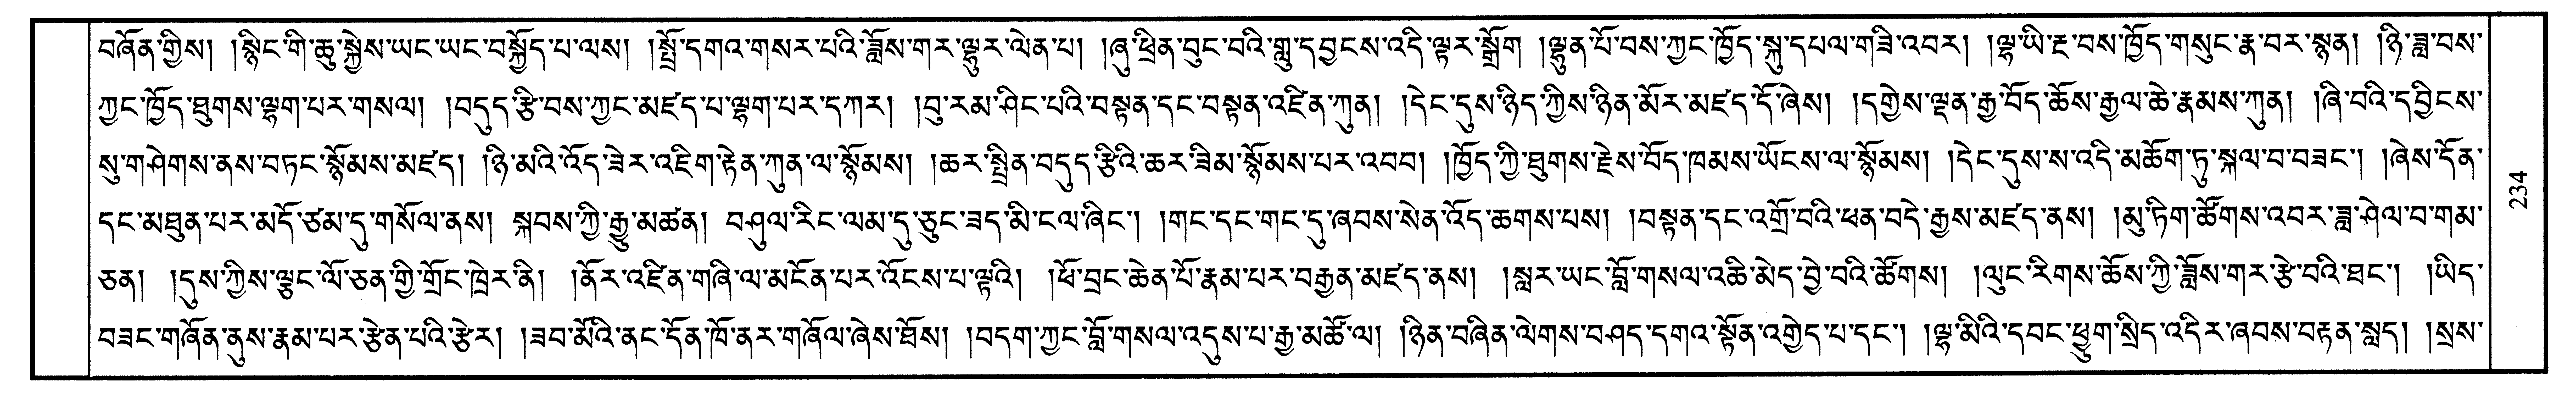བཞོན་གྱིས། །སྙིང་གི་ཆུ་སྐྱེས་ཡང་ཡང་བསྐྱོད་པ་ལས། །སྤྲོ་དགའ་གསར་པའི་ཟློས་གར་ལྷུར་ལེན་པ། །ཞུ་ཕྲིན་བུང་བའི་གླུ་དབྱངས་འདི་ལྟར་སྒྲོག །ལྷུན་པོ་བས་ཀྱང་ཁྱོད་སྐུ་དཔལ་གཟི་འབར། །ལྷ་ཡི་རྔ་བས་ཁྱོད་གསུང་རྣ་བར་སྙན། །ཉི་ཟླ་བས་
ཀྱང་ཁྱོད་ཐུགས་ལྷག་པར་གསལ། །བདུད་རྩི་བས་ཀྱང་མཛད་པ་ལྷག་པར་དཀར། །བུ་རམ་ཤིང་པའི་བསྟན་དང་བསྟན་འཛིན་ཀུན། །དེང་དུས་ཉིད་ཀྱིས་ཉིན་མོར་མཛད་དོ་ཞེས། །དགྱེས་ལྡན་རྒྱ་བོད་ཆོས་རྒྱལ་ཆེ་རྣམས་ཀུན། །ཞི་བའི་དབྱིངས་
སུ་གཤེགས་ནས་བཏང་སྙོམས་མཛད། །ཉི་མའི་འོད་ཟེར་འཇིག་རྟེན་ཀུན་ལ་སྙོམས། །ཆར་སྤྲིན་བདུད་རྩིའི་ཆར་ཟིམ་སྙོམས་པར་འབབ། །ཁྱོད་ཀྱི་ཐུགས་རྗེས་བོད་ཁམས་ཡོངས་ལ་སྙོམས། །དེང་དུས་ས་འདི་མཆོག་ཏུ་སྐལ་བ་བཟང་། །ཞེས་དོན་
དང་མཐུན་པར་མདོ་ཙམ་དུ་གསོལ་ནས། སྐབས་ཀྱི་རྒྱུ་མཚན། བཤུལ་རིང་ལམ་དུ་ཅུང་ཟད་མི་ངལ་ཞིང་། །གང་དང་གང་དུ་ཞབས་སེན་འོད་ཆགས་པས། །བསྟན་དང་འགྲོ་བའི་ཕན་བདེ་རྒྱས་མཛད་ནས། །མུ་ཏིག་ཚོགས་འབར་ཟླ་ཤེལ་བ་གམ་
ཅན། །དུས་ཀྱིས་ལྕང་ལོ་ཅན་གྱི་གྲོང་ཁྲེར་ནི། །ནོར་འཛིན་གཞི་ལ་མངོན་པར་འོངས་པ་ལྟའི། །ཕོ་བྲང་ཆེན་པོ་རྣམ་པར་བརྒྱན་མཛད་ནས། །སླར་ཡང་བློ་གསལ་འཆི་མེད་བྱེ་བའི་ཚོགས། །ལུང་རིགས་ཆོས་ཀྱི་ཟློས་གར་རྩེ་བའི་ཐང་། །ཡིད་
བཟང་གཞོན་ནུས་རྣམ་པར་རྩེན་པའི་རྩེར། །ཟབ་མོའི་ནང་དོན་ཁོ་ནར་གཞོལ་ཞེས་ཐོས། །བདག་ཀྱང་བློ་གསལ་འདུས་པ་རྒྱ་མཚོ་ལ། །ཉིན་བཞིན་ལེགས་བཤད་དགའ་སྟོན་འགྱེད་པ་དང་། །ལྷ་མིའི་དབང་ཕྱུག་སྲིད་འདིར་ཞབས་བརྟན་སླད། །སྲས་